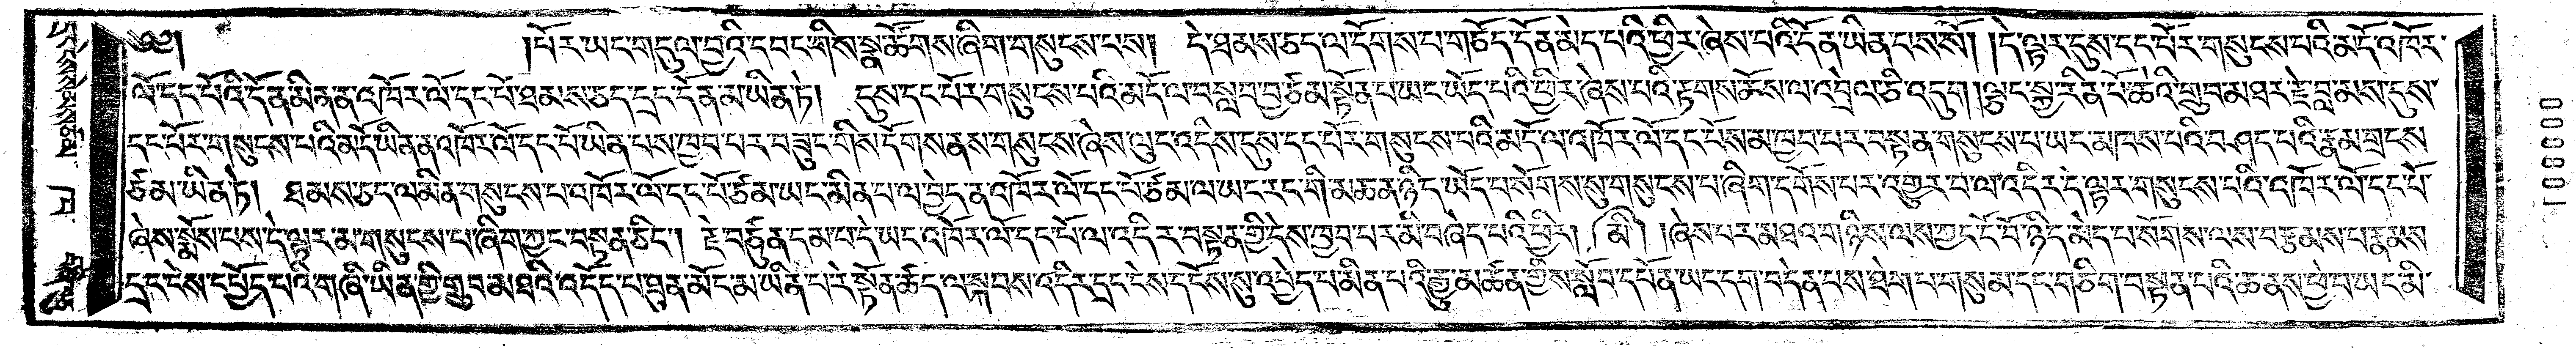༄༅། །པོར་ཡང་གདུལ་བྱའི་དབང་གིས་སྣ་ཚོགས་ཤིག་གསུངས་པས། དེ་ཐམས་ཅད་ལ་དོགས་པ་གཅོད་དོན་མེད་པའི་ཕྱིར་ཞེས་པའི་དོན་ཡིན་པས་སོ། །དེ་ལྟར་དུས་དང་པོར་གསུངས་པའི་མདོ་འཁོར་
ལོ་དང་པོའི་དོན་མིན་ན་འཁོར་ལོ་དང་པོ་ཐམས་ཅད་དྲང་དོན་མ་ཡིན་ཏེ། དུས་དང་པོར་གསུངས་པའི་མདོ་ལ་བསླབ་བྱ་ཙམ་སྟོན་པ་ཡང་ཡོད་པའི་ཕྱིར་ཞེས་པའི་རྟགས་ཆོས་ལ་འབྲེལ་ཅི་འདུག །ལྕང་སྐྱ་རིན་པོ་ཆེའི་གྲུབ་མཐར་རྗེ་བླ་མས་དུས་
དང་པོར་གསུངས་པའི་མདོ་ཡིན་ན་འཁོར་ལོ་དང་པོ་ཡིན་པས་ཁྱབ་པར་བཟུང་གིས་དོགས་ནས་གསུངས་ཞེས་ལུང་འདིས་དུས་དང་པོར་གསུངས་པའི་མདོ་ལ་འཁོར་ལོ་དང་པོས་མ་ཁྱབ་པར་བསྟན་གསུངས་པ་ཡང་མཁས་པའི་བཤད་པའི་རྣམ་གྲངས་
ཙམ་ཡིན་ཏེ། ཐམས་ཅད་ལ་མིན་གསུངས་པ་འཁོར་ལོ་དང་པོ་ཙམ་ཡང་མིན་པ་ལ་བྱེད་ན་འཁོར་ལོ་དང་པོ་ཙམ་ལ་ཡང་རང་གི་མཚན་ཉིད་ཡོད་པ་སོགས་སུ་གསུངས་པ་ཞིག་དགོས་པར་འགྱུར་བ་ལ་འདིར་དེ་ལྟར་གསུངས་པའི་འཁོར་ལོ་དང་པོ་
ཞེས་སྨོས་པས་དེ་ལྟར་མ་གསུངས་པ་ཞིག་ཀྱང་བསྟན་ཅིང་། རྗེ་བཙུན་དམ་པ་དེ་ཡང་འཁོར་ལོ་དང་པོ་ལ་འདིར་བསྟན་གྱི་དེས་ཁྱབ་པར་མི་བཞེད་པའི་ཕྱིར། ༼མི༽ །ཞེས་པར་མཐའ་གཉིས་ལས་ཀྱང་ངོ་བོ་ཉིད་མེད་པ་སོགས་ལས་བརྩམས་པ་རྣམས་
དྲང་ངེས་དཔྱོད་པའི་གཞི་ཡིན་གྱི་གྲུབ་མཐའི་འདོད་པ་ཐུན་མོང་མ་ཡིན་པ་རེ་སྟོན་ཚད་ལ་སྐབས་འདིར་དྲང་ངེས་དངོས་སུ་འབྱེད་པ་མིན་པའི་རྒྱུ་མཚན་གྱིས་སློབ་དཔོན་ཡང་དག་བདེན་པས་ཐེག་པ་གསུམ་དང་གཅིག་བསྟན་པའི་ཆ་ནས་ཕྱེ་བ་ཡང་མི་